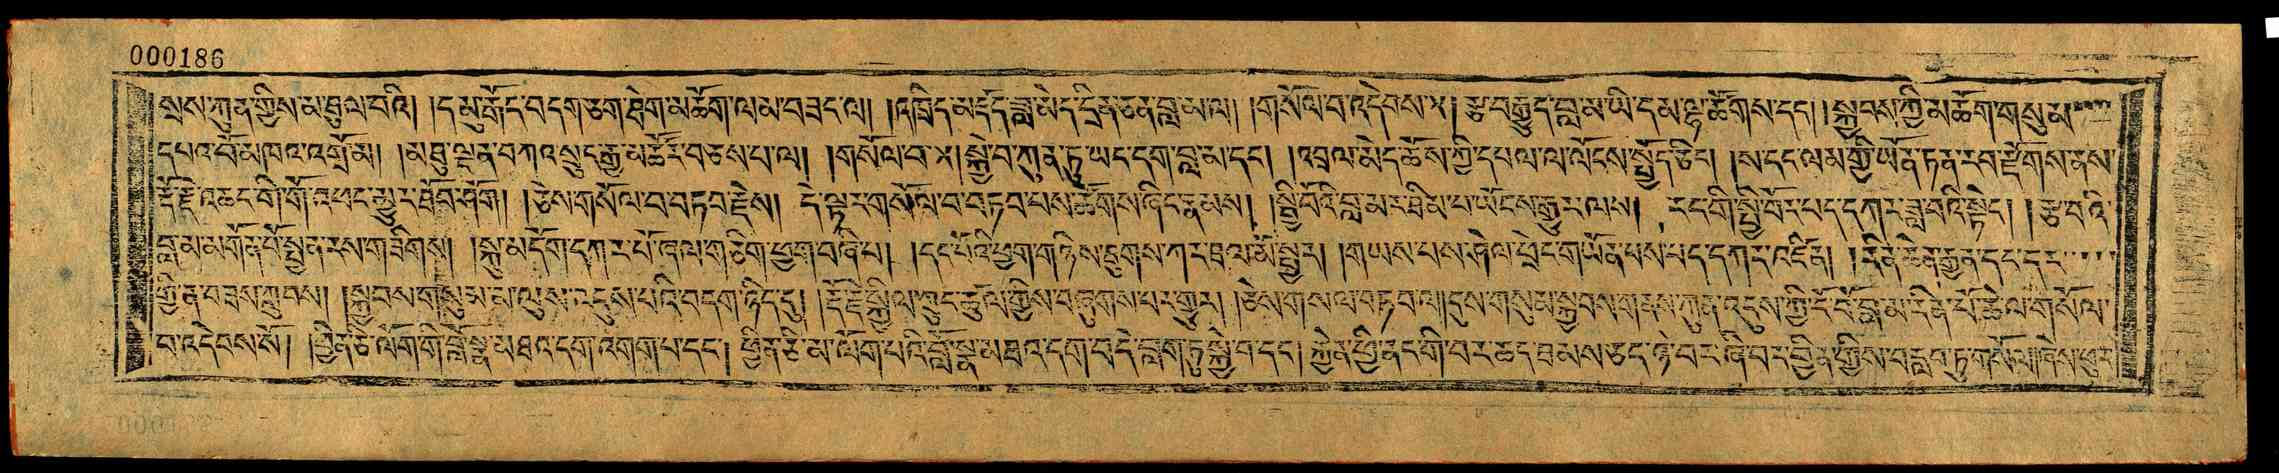སྲས་ཀུན་གྱིས་མ་ཐུལ་བའི། །དམུ་རྒོད་བདག་ཅག་ཐེག་མཆོག་ལམ་བཟང་ལ། །འཁྲིད་མཛད་ཟླ་མེད་དྲིན་ཅན་བླ་མ་ལ། །གསོལ་བ་འདེབས་྾། རྩ་བརྒྱུད་བླ་མ་ཡི་དམ་ལྷ་ཚོགས་དང་། །སྐྱབས་ཀྱི་མཆོག་གསུམ་
དཔའ་བོ་མཁའ་འགྲོ་མ། །མཐུ་ལྡན་བཀའ་སྲུང་རྒྱ་མཚོར་བཅས་པ་ལ། །གསོལ་བ་྾། སྐྱེ་བ་ཀུན་ཏུ་ཡང་དག་བླ་མ་དང་། །འབྲལ་མེད་ཆོས་ཀྱི་དཔལ་ལ་ལོངས་སྤྱོད་ཅིང་། །ས་དང་ལམ་གྱི་ཡོན་ཏན་རབ་རྫོགས་ནས།
རྡོ་རྗེ་འཆང་གི་གོ་འཕང་མྱུར་ཐོབ་ཤོག །ཅེས་གསོལ་བ་བཏབ་རྗེས། དེ་ལྟར་གསོལ་བ་བཏབ་པས་ཚོགས་ཞིང་རྣམས། །སྤྱི་བོའི་བླ་མར་ཐིམ་པ་ཡོངས་གྱུར་ལས། །རང་གི་སྤྱི་བོར་པར་དཀར་ཟླ་བའི་སྟེང་། །རྩ་བའི་
བླ་མ་མགོན་པོ་སྤྱན་རས་གཟིགས། །སྐུ་མདོག་དཀར་པོ་ཞལ་གཅིག་ཕྱག་བཞི་པ། །དང་པོའི་ཕྱག་གཉིས་ཐུགས་ཀར་ཐལ་མོ་སྦྱར། །གཡས་པས་ཤེལ་ཕྲེང་གཡོན་པས་པད་དཀར་འཛིན། །རིན་ཆེན་རྒྱན་དང་དར་
གྱི་ན་བཟས་ཀླུབས། །སྐྱབས་གསུམ་མ་ལུས་འདུས་པའི་བདག་ཉིད་དུ། །རྡོ་རྗེ་སྐྱིལ་ཀྲུང་ཚུལ་གྱིས་བཞུགས་པར་གྱུར། ཅེས་གསལ་བཏབ་ལ། དུས་གསུམ་སྐྱབས་གནས་ཀུན་འདུས་ཀྱི་ངོ་བོ་བླ་མ་རིན་པོ་ཆེ་ལ་གསོལ་
བ་འདེབས་སོ། །ཕྱིན་ཅི་ལོག་གི་བློ་སྣ་མཐའ་དག་འགག་པ་དང་། ཕྱིན་ཅི་མ་ལོག་པའི་བློ་སྣ་མཐའ་དག་བདེ་བླག་ཏུ་སྐྱེ་བ་དང་། རྐྱེན་ཕྱི་ནང་གི་བར་ཆད་ཐམས་ཅད་ཉེ་བར་ཞི་བར་བྱིན་གྱིས་བརླབ་ཏུ་གསོལ། ཞེས་ཕུར་